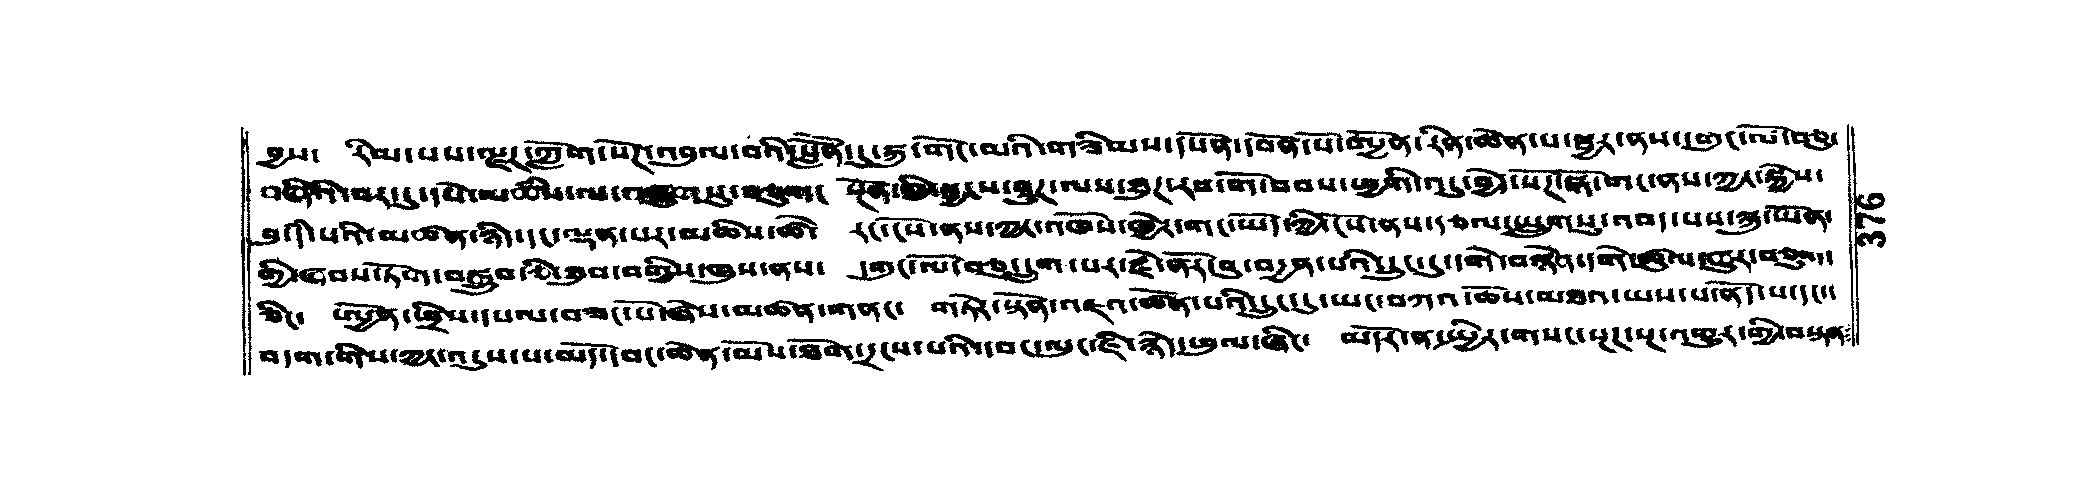བྱས། རིམ་པས་ལྗགས་ཀློག་སོགས་འབུལ་བའི་སློབ་དཔོན་དུ་སྐུ་གོང་མའི་གཟིམས་དཔོན་དབོན་པོ་ཨོ་རྒྱན་རིན་ཆེན་པ་སྦྱར་ནས་དགུང་ལོ་བཅུ་
བཞིའི་བར་དུ་དཔེ་མཚམས་ལ་བཞུགས་སུ་བཅུག སྔོན་གྱི་སྦྱངས་ཤུགས་ལས་ཐུགས་རབ་གོ་བབས་ཕྱག་གི་འདུ་བྱེད་སོགས་སྒོ་གང་ནས་ཀྱང་སྐྱེས་
བུ་དམ་པའི་མཚན་ཉིད་དང་ལྡན་པར་མཆིས་ཚེ། རང་ངོས་ནས་ཀྱང་འཁོས་ཁྱེར་གང་ཡོད་ཀྱི་ངོས་ནས་རྩལ་སྤྲུགས་སུ་འབད་པས་སྐུ་ཡོན་
གྱི་ཞབས་ཏོག་བསྒྲུབ་ཅི་ཐུབ་བགྱིས་ཁུས་ནས། དགུང་ལོ་བཅུ་དྲུག་པར་རྗེ་ནོར་བུ་བརྒྱན་པའི་དྲུང་དུ་དགེ་བསྙེན་དགེ་ཚུལ་ཞུར་བཅུག་
ཅིང་། ཨོ་རྒྱན་ཕྲིན་ལས་དཔལ་བཟང་པོ་ཞེས་མཚན་གནང་། གཏེར་སྟོན་འཇའ་ཚོན་པའི་དྲུང་དུ་ཡང་བཀའ་ཆོས་མཐའ་ཡས་པ་ནོད་པ་དང་། 
བདག་གིས་ཀྱང་འདུས་པ་མདོ་དབང་ཆེན་མོས་ཐོག་དྲངས་པའི་དབང་ལུང་ཇི་སྙེད་ཕུལ་ཞིང་། མདོར་ན་སྤྱིར་གསང་སྔགས་སྔ་འགྱུར་གྱི་བསྟན་